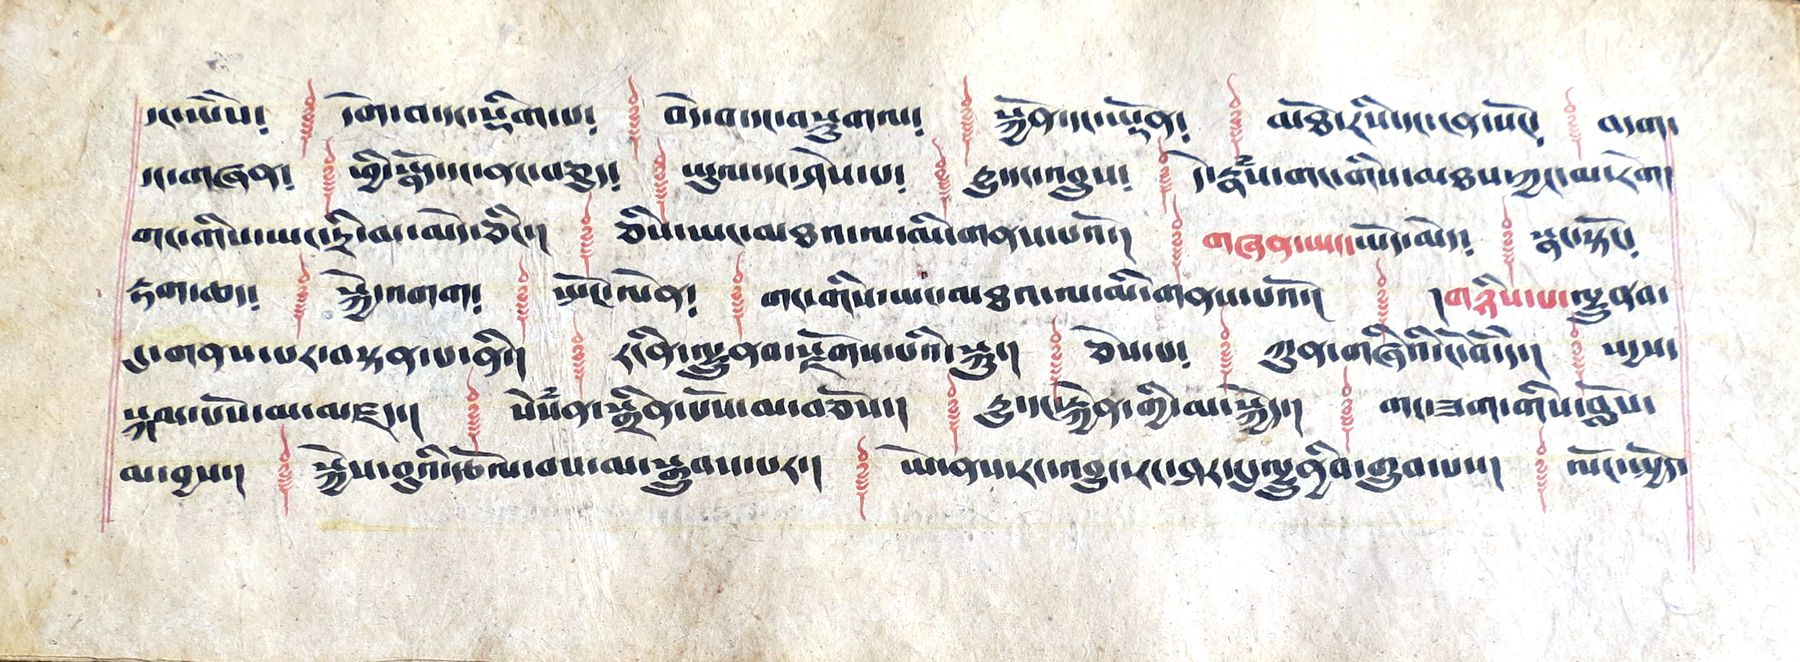དངཡེ་ཤེས། དགེ་བ་དང་སྡིག་པ། བདེ་བ་དང་སྡུག་བསྔལ། སྐྱོན་དང་ཡོན་ཏན། མཐོ་རིས་དང་ངན་སོང་། བདག་
དང་གཞན། ཕྱི་སྣོད་དང་ནང་བཅུད། ཡུལ་དང་ཤེས་པ། རྒྱུ་དང་འབྲས་བུ་དེ་རྣམས་གང་གིས་མཐས་ཀྱང་མ་རེག 
གང་གི་ཡང་དྲི་མ་མེད་ཅིང་། ཅི་ཡི་ཡང་མཐའ་ལ་མི་གནས་པའོ། །གཞན་ཡང་ཡོད་མེད། སྣང་སྟོང་
རྟག་ཆད། སྐྱེ་འགག། སྤང་ལེན། གང་གི་ཡང་མཐའ་ལ་མི་གནས་པའོ། །གཉིས་པ་ལྷུན་གྲུབ་
ཏུ་གནས་པར་བསྟན་པ་ནི། རང་བཞིན་ལྷུན་གྲུབ་རྫོགས་པའི་སྐུ། ཞེས་པས། ཀུན་གཞིའི་ངོ་བོ་དེ། སངས་རྒྱས་
སྒམ་པོས་མ་མཛད། སེམས་ཅན་སྒྲིན་པོས་མ་བཅོས། རྒྱུ་དང་རྐྱེན་གྱིས་མ་བསྐྱེད། གང་ཟག་གི་བློ་ཡིས་
མ་བྱས། སྐྱེས་བུའི་རྩོལ་བས་མ་བསྒྲུབས་པར། ཡེ་ནས་རང་འབྱུང་རང་ཤར་དུ་ལྷུན་གྱིས་གྲུབ་པས། ལོངས་སྤྱོད་